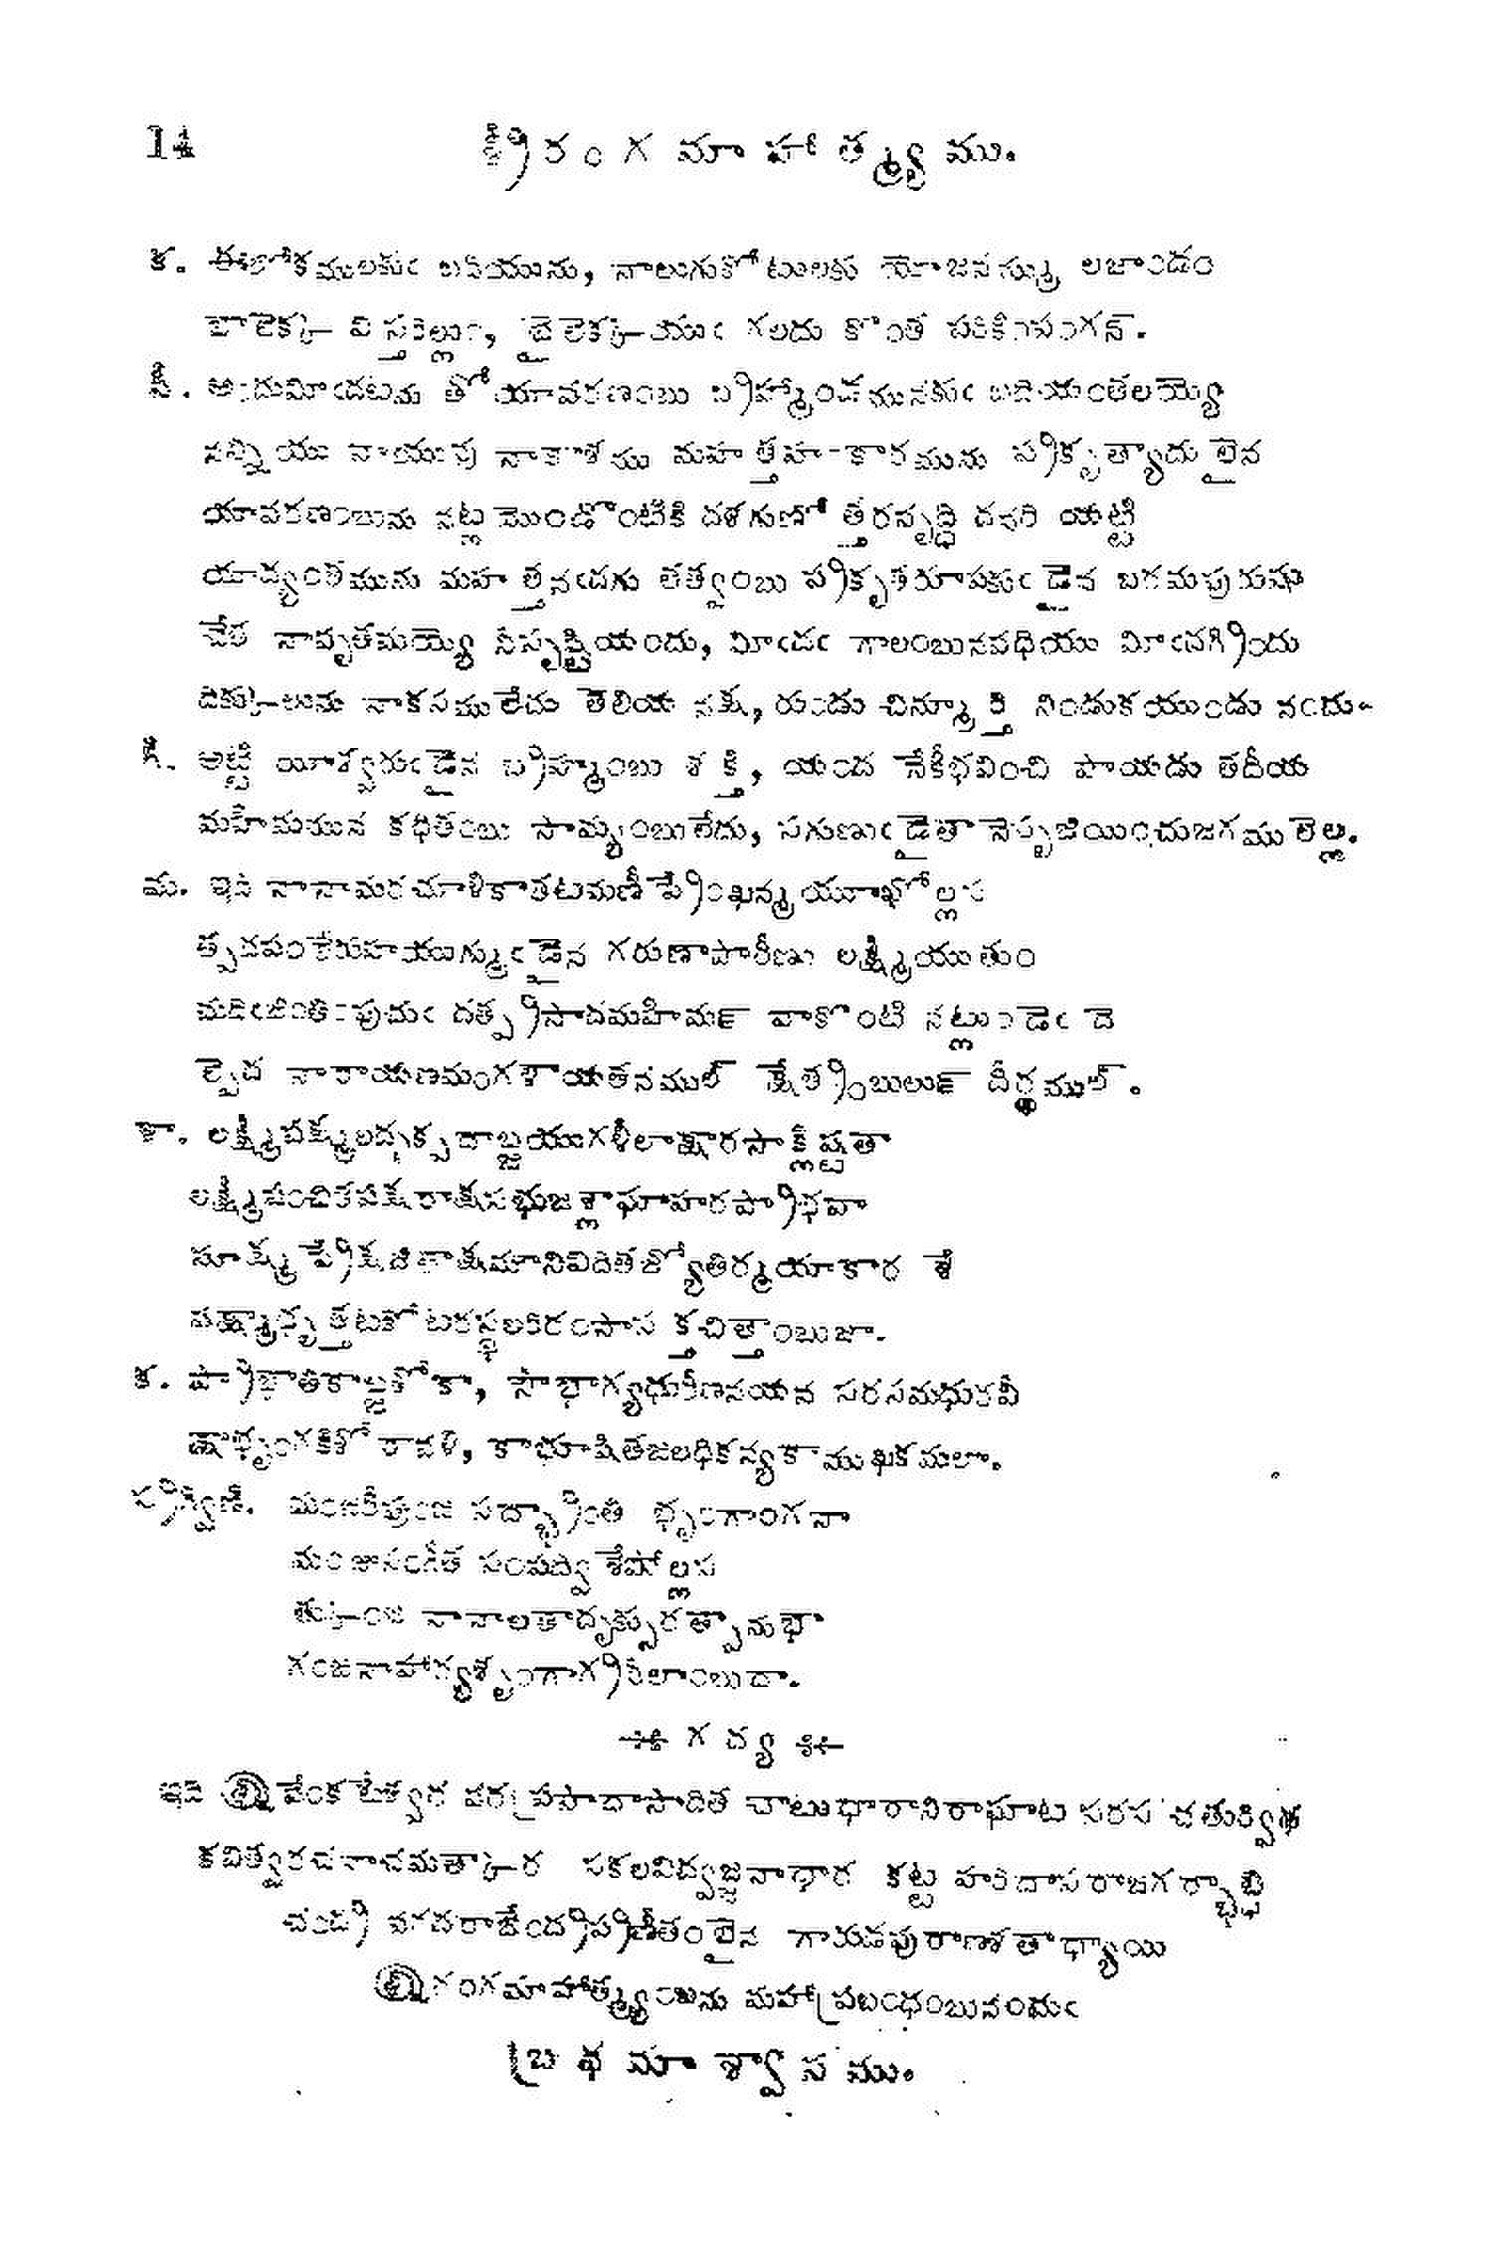క. ఈలోకములకుఁ బదియును, నాలుగుకోటులకు యోజనమ్ము లజాండం
 బాలెక్క విస్తరిల్లుం, బైలెక్కయుఁ గలదు కొంత పరికింపంగన్.
సీ. అందుమీఁదటను తోయావరణంబు బ్రహ్మాండమునకుఁ బదియంతలయ్యె
 నన్నియు వాయువు నాకాశము మహత్తహంకారమును ప్రకృత్యాదులైన
 యవరణంబును నట్ల యొండొంటికి దశగుణోత్తరవృద్ధి దనరి యట్టి
 యాద్యంతమును మహత్తనఁదగు తత్వంబు ప్రకృతరూపకుఁడైన బరమపురుషు
 చేత నావృతమయ్యె నీసృష్టియందు, మీఁదఁ గాలంబు నవధియు మీఁదగ్రిందు
 దిక్కులును నాకసము లేదు తెలియ నక్ష, రుండు చిన్మూర్తి నిండుకయుండు నందు.
గీ. అట్టి యీశ్వరుఁడైన బ్రహ్మంబు శక్తి, యంద నేకీభవించి పాయడు తదీయ
 మహిమమున కధితంబు సామ్యంబు లేదు, సగుణుఁడై తానె సృజియించు జగములెల్ల.
మ. ఇవి నానామరచూళికాతటమణీప్రేంఖన్మయూఖోల్లస
 త్పదపంకేరుహయుగ్ముఁడైన గరుణాపారీణు లక్ష్మీయుతుం
 మదిఁ జింతింపుచుఁ దత్ప్రసాదమహిమన్ వాకొంటి నట్లుండెఁ దె
 ల్పెద నారాయణమంగళాయతనముల్ క్షేత్రంబులున్ దీర్ఘముల్.
శా. లక్ష్మీపక్ష్మలదృక్పదాబ్జయుగళీలాక్షారసాక్లిష్టతా
 లక్ష్మీపంచితపక్షరాక్షసభుజశ్లాఘాహరప్రాభవా
 సూక్ష్మప్రేక్షజితాక్షమౌనివిదితజ్యోతిర్మయాకార శే
 పక్ష్మాభృత్తటకోటకస్థలరిరంసాసక్తచిత్తాంబుజా.
క. ప్రాభాతికాబ్జశోకా, సౌభాగ్యధురీణనయన సరసమధురవీ
 క్షాభంగకిశోరావళి, కాభూషితజలధికన్యకాముఖకమలా.
స్వగ్విణి. మంజరీపుంజ సద్భ్రాంతి భృంగాంగనా
 మంజుసంగీత సంపద్విశేషోల్లస
 త్కుంజ నానాలతాదృక్సురత్పానుభా
 గంజనాహార్యశృంగాగ్రనీలాంబుదా.